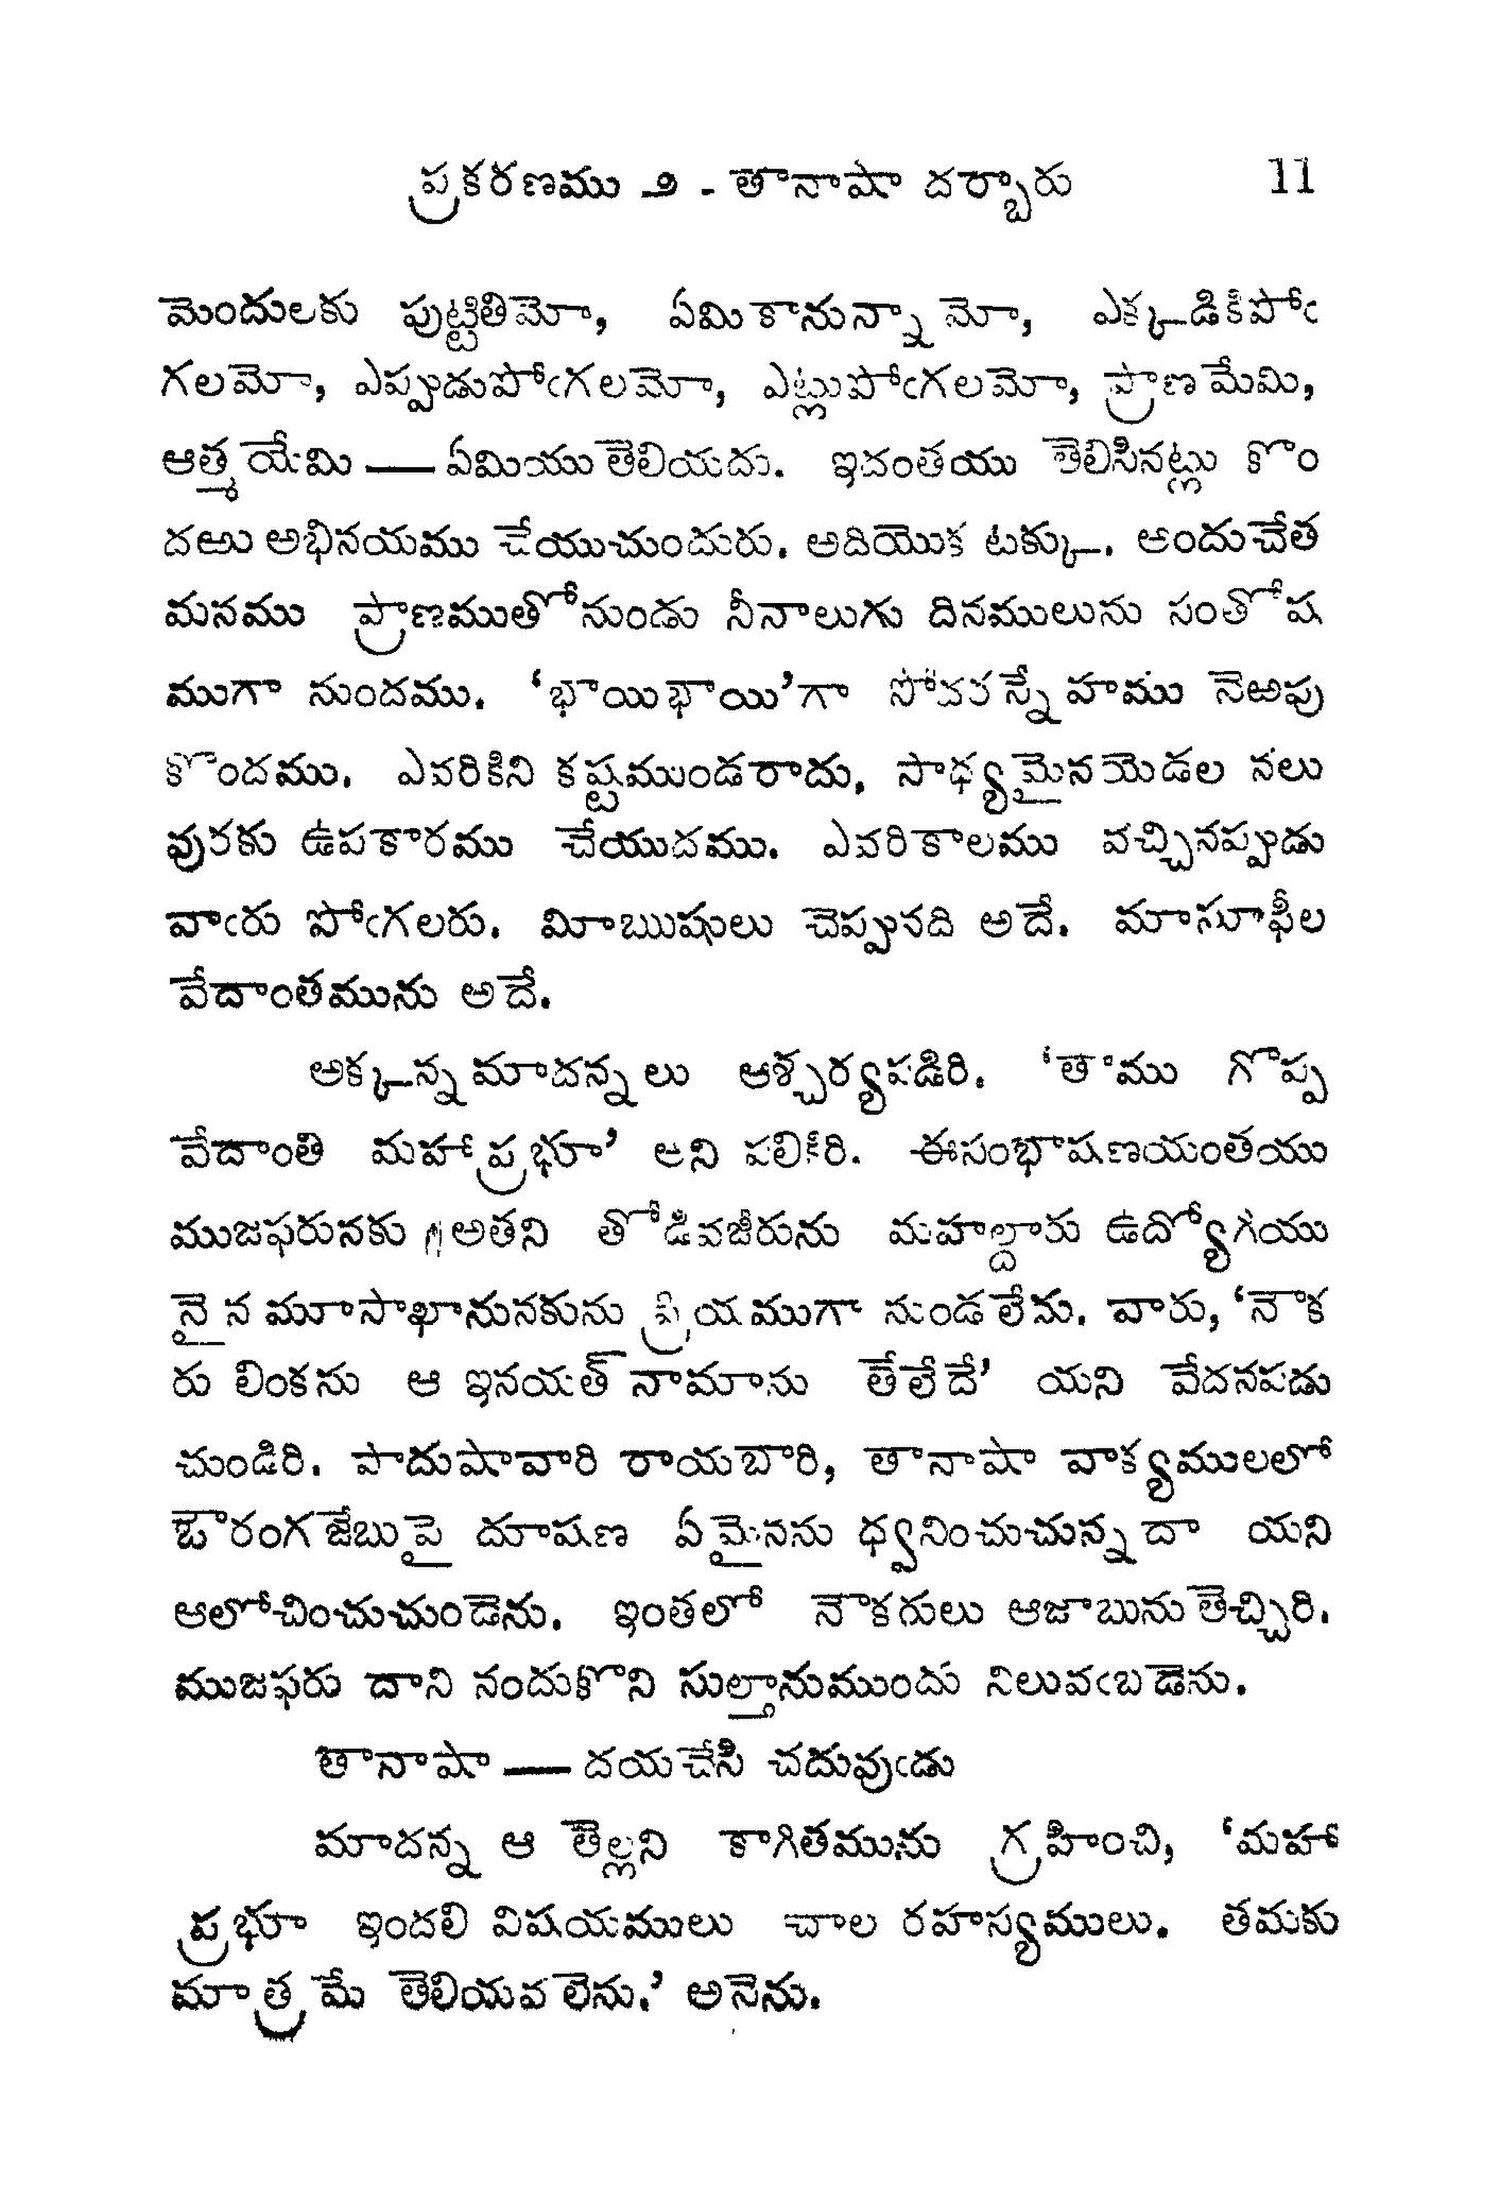మెందులకు పుట్టితిమో, ఏమికానున్నామో, ఎక్కడికిపోఁగలవెూ, ఎప్పడుపోఁగలమో, ఎట్లుపోఁగలమో, ప్రాణమేమి, ఆత్మయేమి — ఏమియు తెలియదు. ఇదంతయు తెలిసినట్లు కొందఱు అభినయము చేయుచుందురు. అదియొక టక్కు. అందుచేత మనము ప్రాణముతోనుండు నీనాలుగు దినములును సంతోషముగా నుందము. ‘భాయి భాయి’గా సోదరస్నేహము నెఱపుకొందము. ఎవరికిని కష్టముండరాదు. సాధ్యమైనయెడల నలువురకు ఉపకారము చేయుదము. ఎవరికాలము వచ్చినప్పడు వాఁరు పోఁగలరు, మీఋషులు చెప్పునది అదే. మాసూఫీల వేదాంతమును అదే.

అక్కన్నమాదన్నలు ఆశ్చర్యపడిరి. ‘తాము గొప్ప వేదాంతి మహాప్రభూ’ అని పలికిరి. ఈసంభాషణయంతయు ముజఫరునకు అతని తోడివజీరును మహల్దారు ఉద్యోగియు నైన మూసాఖానునకును ప్రియముగా నుండలేదు. వారు, ‘నౌకరు లింకను ఆ ఇనయత్‌నామాను తేలేదే’ యని వేదనపడుచుండిరి. పాదుషావారి రాయబారి, తానాషా వాక్యములలో ఔరంగజేబుపై దూషణ ఏమైనను ధ్వనించుచున్నదా యని ఆలోచించుచుండెను. ఇంతలో నౌకరులు ఆజాబునుతెచ్చిరి. ముజఫరు దాని నందుకొని సుల్తానుముందు నిలువఁబడెను.

తానాషా ― దయచేసి చదువుఁడు

మాదన్న ఆ తెల్లని కాగితమును గ్రహించి, ‘మహాప్రభూ ఇందలి విషయములు చాల రహస్యములు. తమకు మాత్రమే తెలియవలెను.’ అనెను.